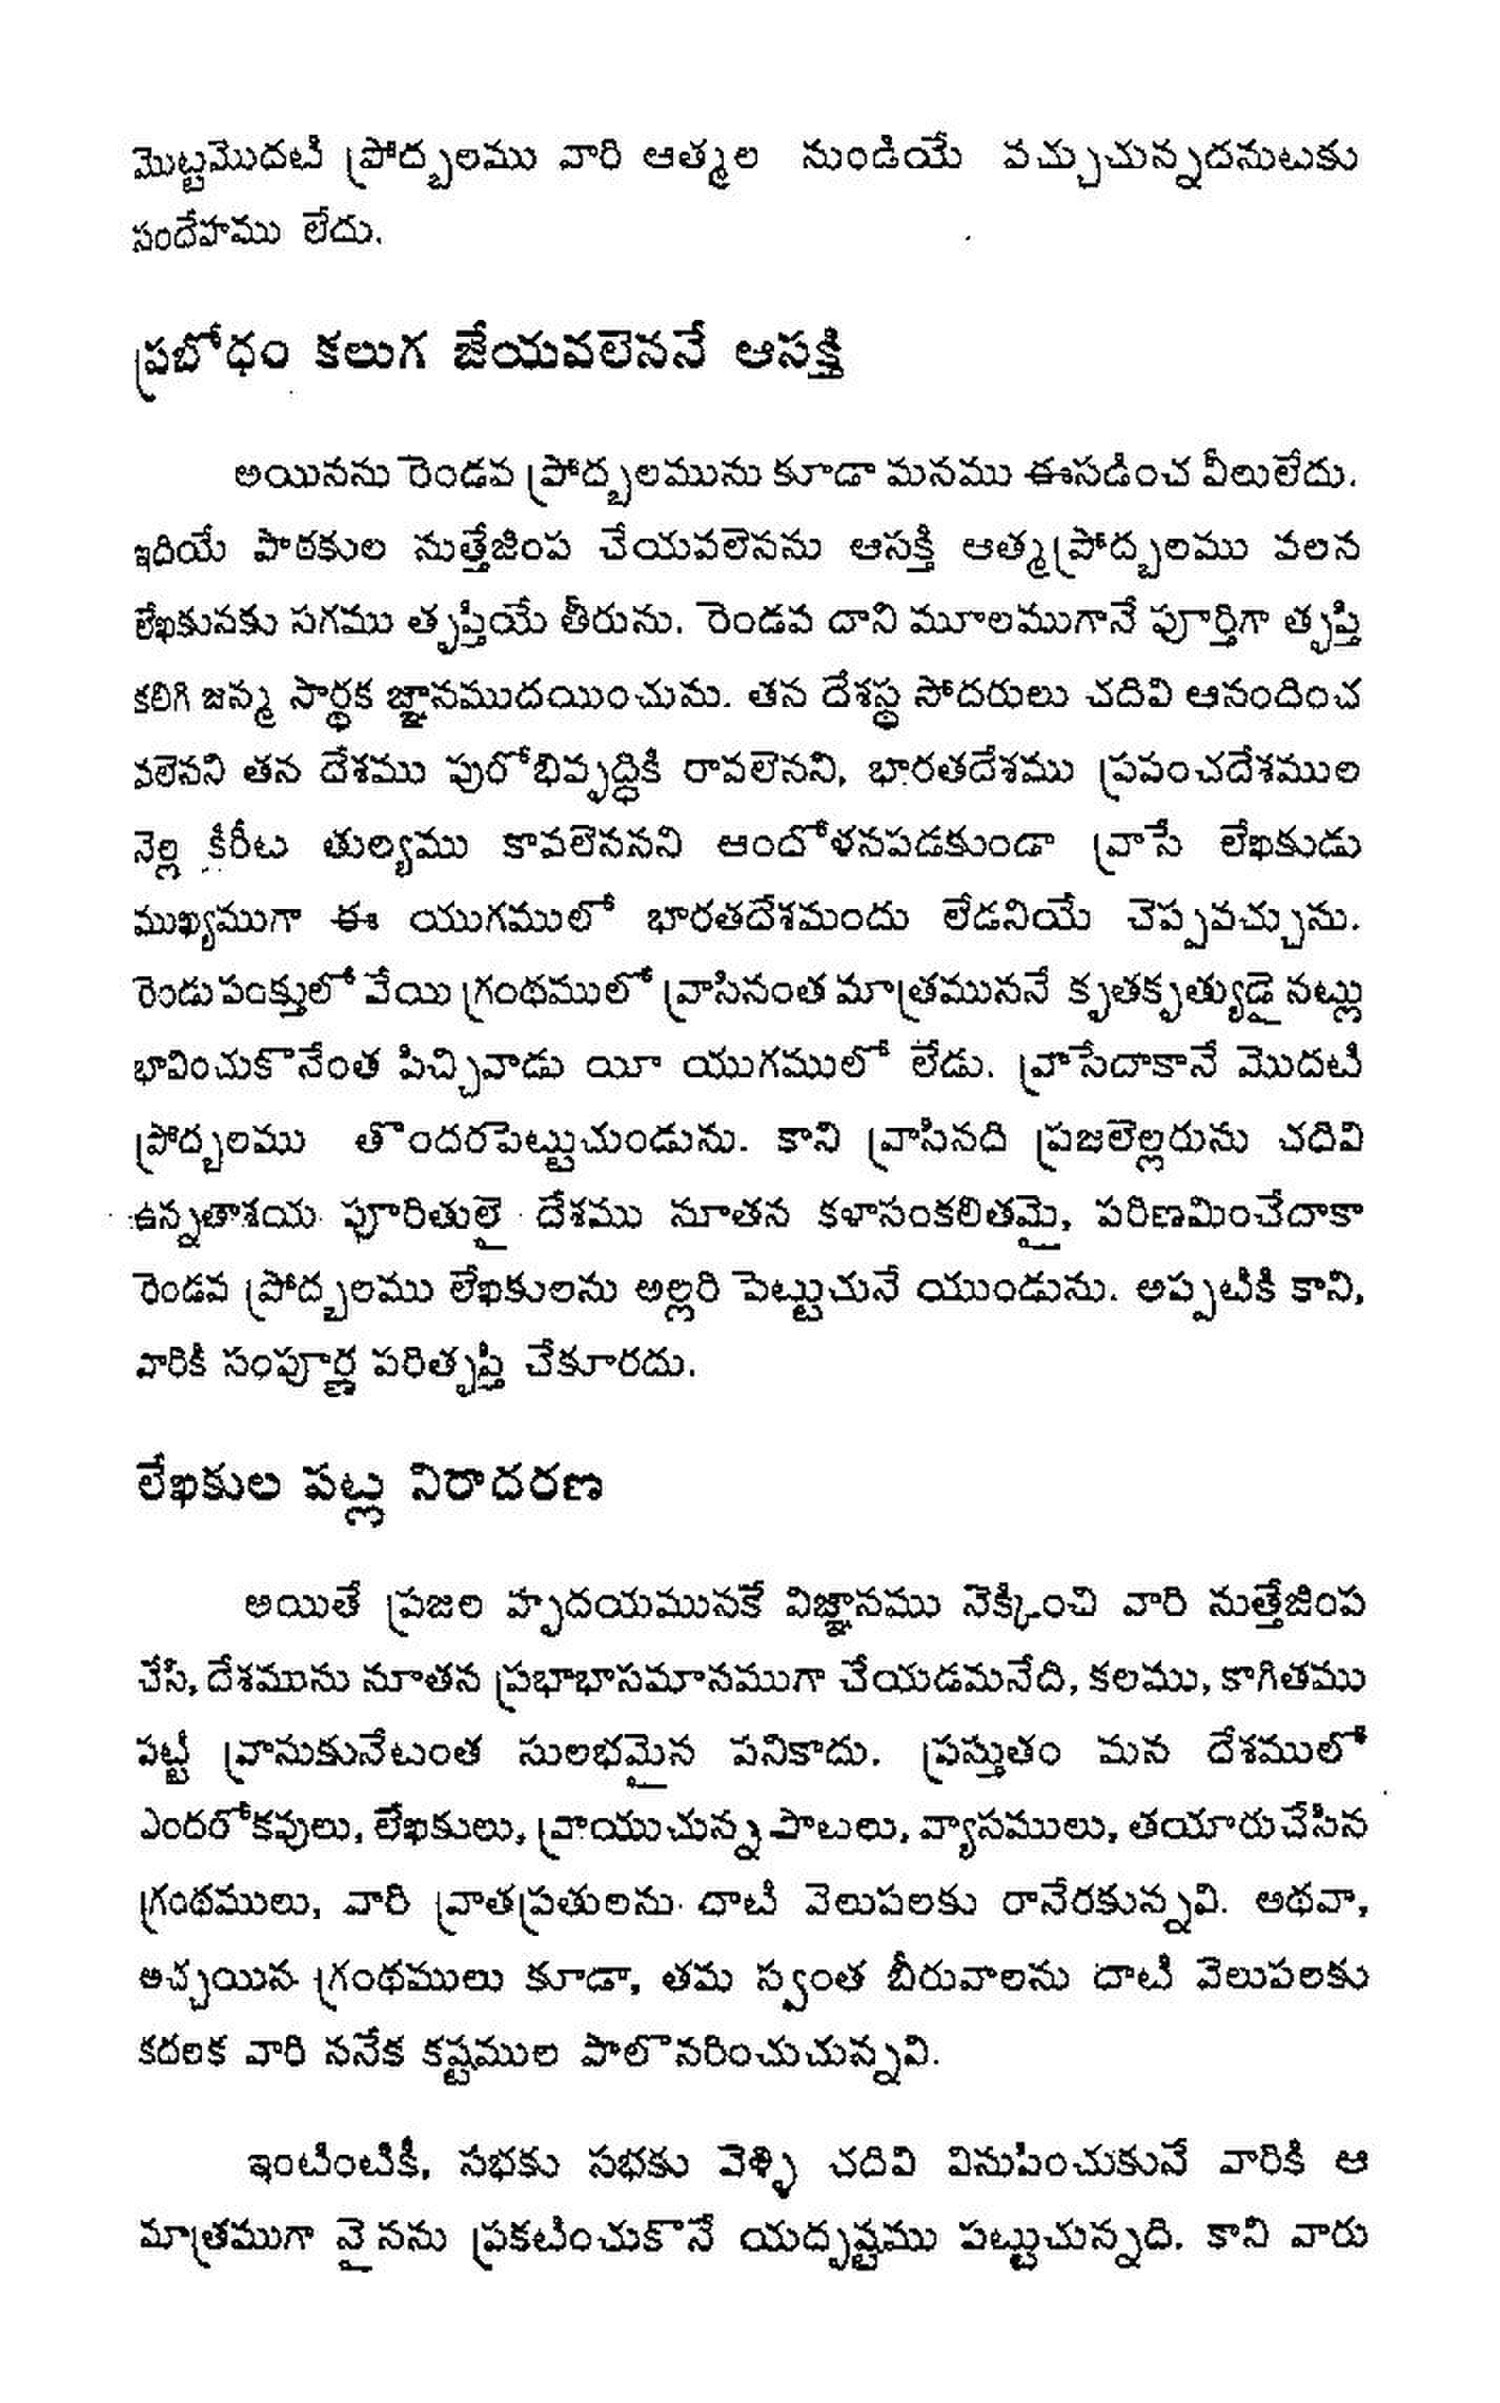మొట్టమొదటి ప్రోద్బలము వారి ఆత్మల నుండియే వచ్చుచున్నదనుటకు సందేహము లేదు.

ప్రబోధం కలుగ జేయవలెననే ఆసక్తి
 
అయినను రెండవ ప్రోద్బలమును కూడా మనము ఈసడించ వీలులేదు. ఇదియే పాఠకుల నుత్తేజింప చేయవలెనను ఆసక్తి ఆత్మప్రోద్బలము వలన లేఖకునకు సగము తృప్తియే తీరును. రెండవ దాని మూలముగానే పూర్తిగా తృప్తి కలిగి జన్మ సార్థక జ్ఞానముదయించును. తన దేశస్థ సోదరులు చదివి ఆనందించ వలెనని తన దేశము పురోభివృద్ధికి రావలెనని, భారతదేశము ప్రపంచదేశముల నెల్ల కిరీట తుల్యము కావలెననని ఆందోళనపడకుండా వ్రాసే లేఖకుడు ముఖ్యముగా ఈ యుగములో భారతదేశమందు లేడనియే చెప్పవచ్చును. రెండు పంక్తులో వేయి గ్రంథములో వ్రాసినంత మాత్రముననే కృతకృత్యుడైనట్లు భావించుకొనేంత పిచ్చివాడు యీ యుగములో లేడు. వ్రాసేదాకానే మొదటి ప్రోద్బలము తొందరపెట్టుచుండును. కాని వ్రాసినది ప్రజలెల్లరును చదివి ఉన్నతాశయ పూరితులై దేశము నూతన కళాసంకలితమై, పరిణమించేదాకా రెండవ ప్రోద్బలము లేఖకులను అల్లరి పెట్టుచునే యుండును. అప్పిటికి కాని, వారికి సంపూర్ణ పరితృప్తి చేకూరదు.

లేఖకుల పట్ల నిరాదరణ
 
అయితే ప్రజల హృదయమునకే విజ్ఞానము నెక్కించి వారి నుత్తేజింప చేసి, దేశమును నూతన ప్రభాభాసమానముగా చేయడమనేది, కలము, కాగితము పట్టి వ్రాసుకునేటంత సులభమైన పనికాదు. ప్రస్తుతం మన దేశములో ఎందరోకవులు, లేఖకులు, వ్రాయుచున్న పాటలు, వ్యాసములు, తయారుచేసిన గ్రంథములు, వారి వ్రాతప్రతులను దాటి వెలుపలకు రానేరకున్నవి. అథవా, అచ్చయిన గ్రంథములుకూడా, తమ స్వంత బీరువాలను దాటి వెలుపలకు కదలక వారి ననేక కష్టముల పాలొనరించుచున్నవి.

ఇంటింటికి, సభకు సభకు వెళ్ళి చదివి వినుపించుకునే వారికి ఆ మాత్రముగా నైనను ప్రకటించుకొనే యదృష్టము పట్టుచున్నది. కాని వారు